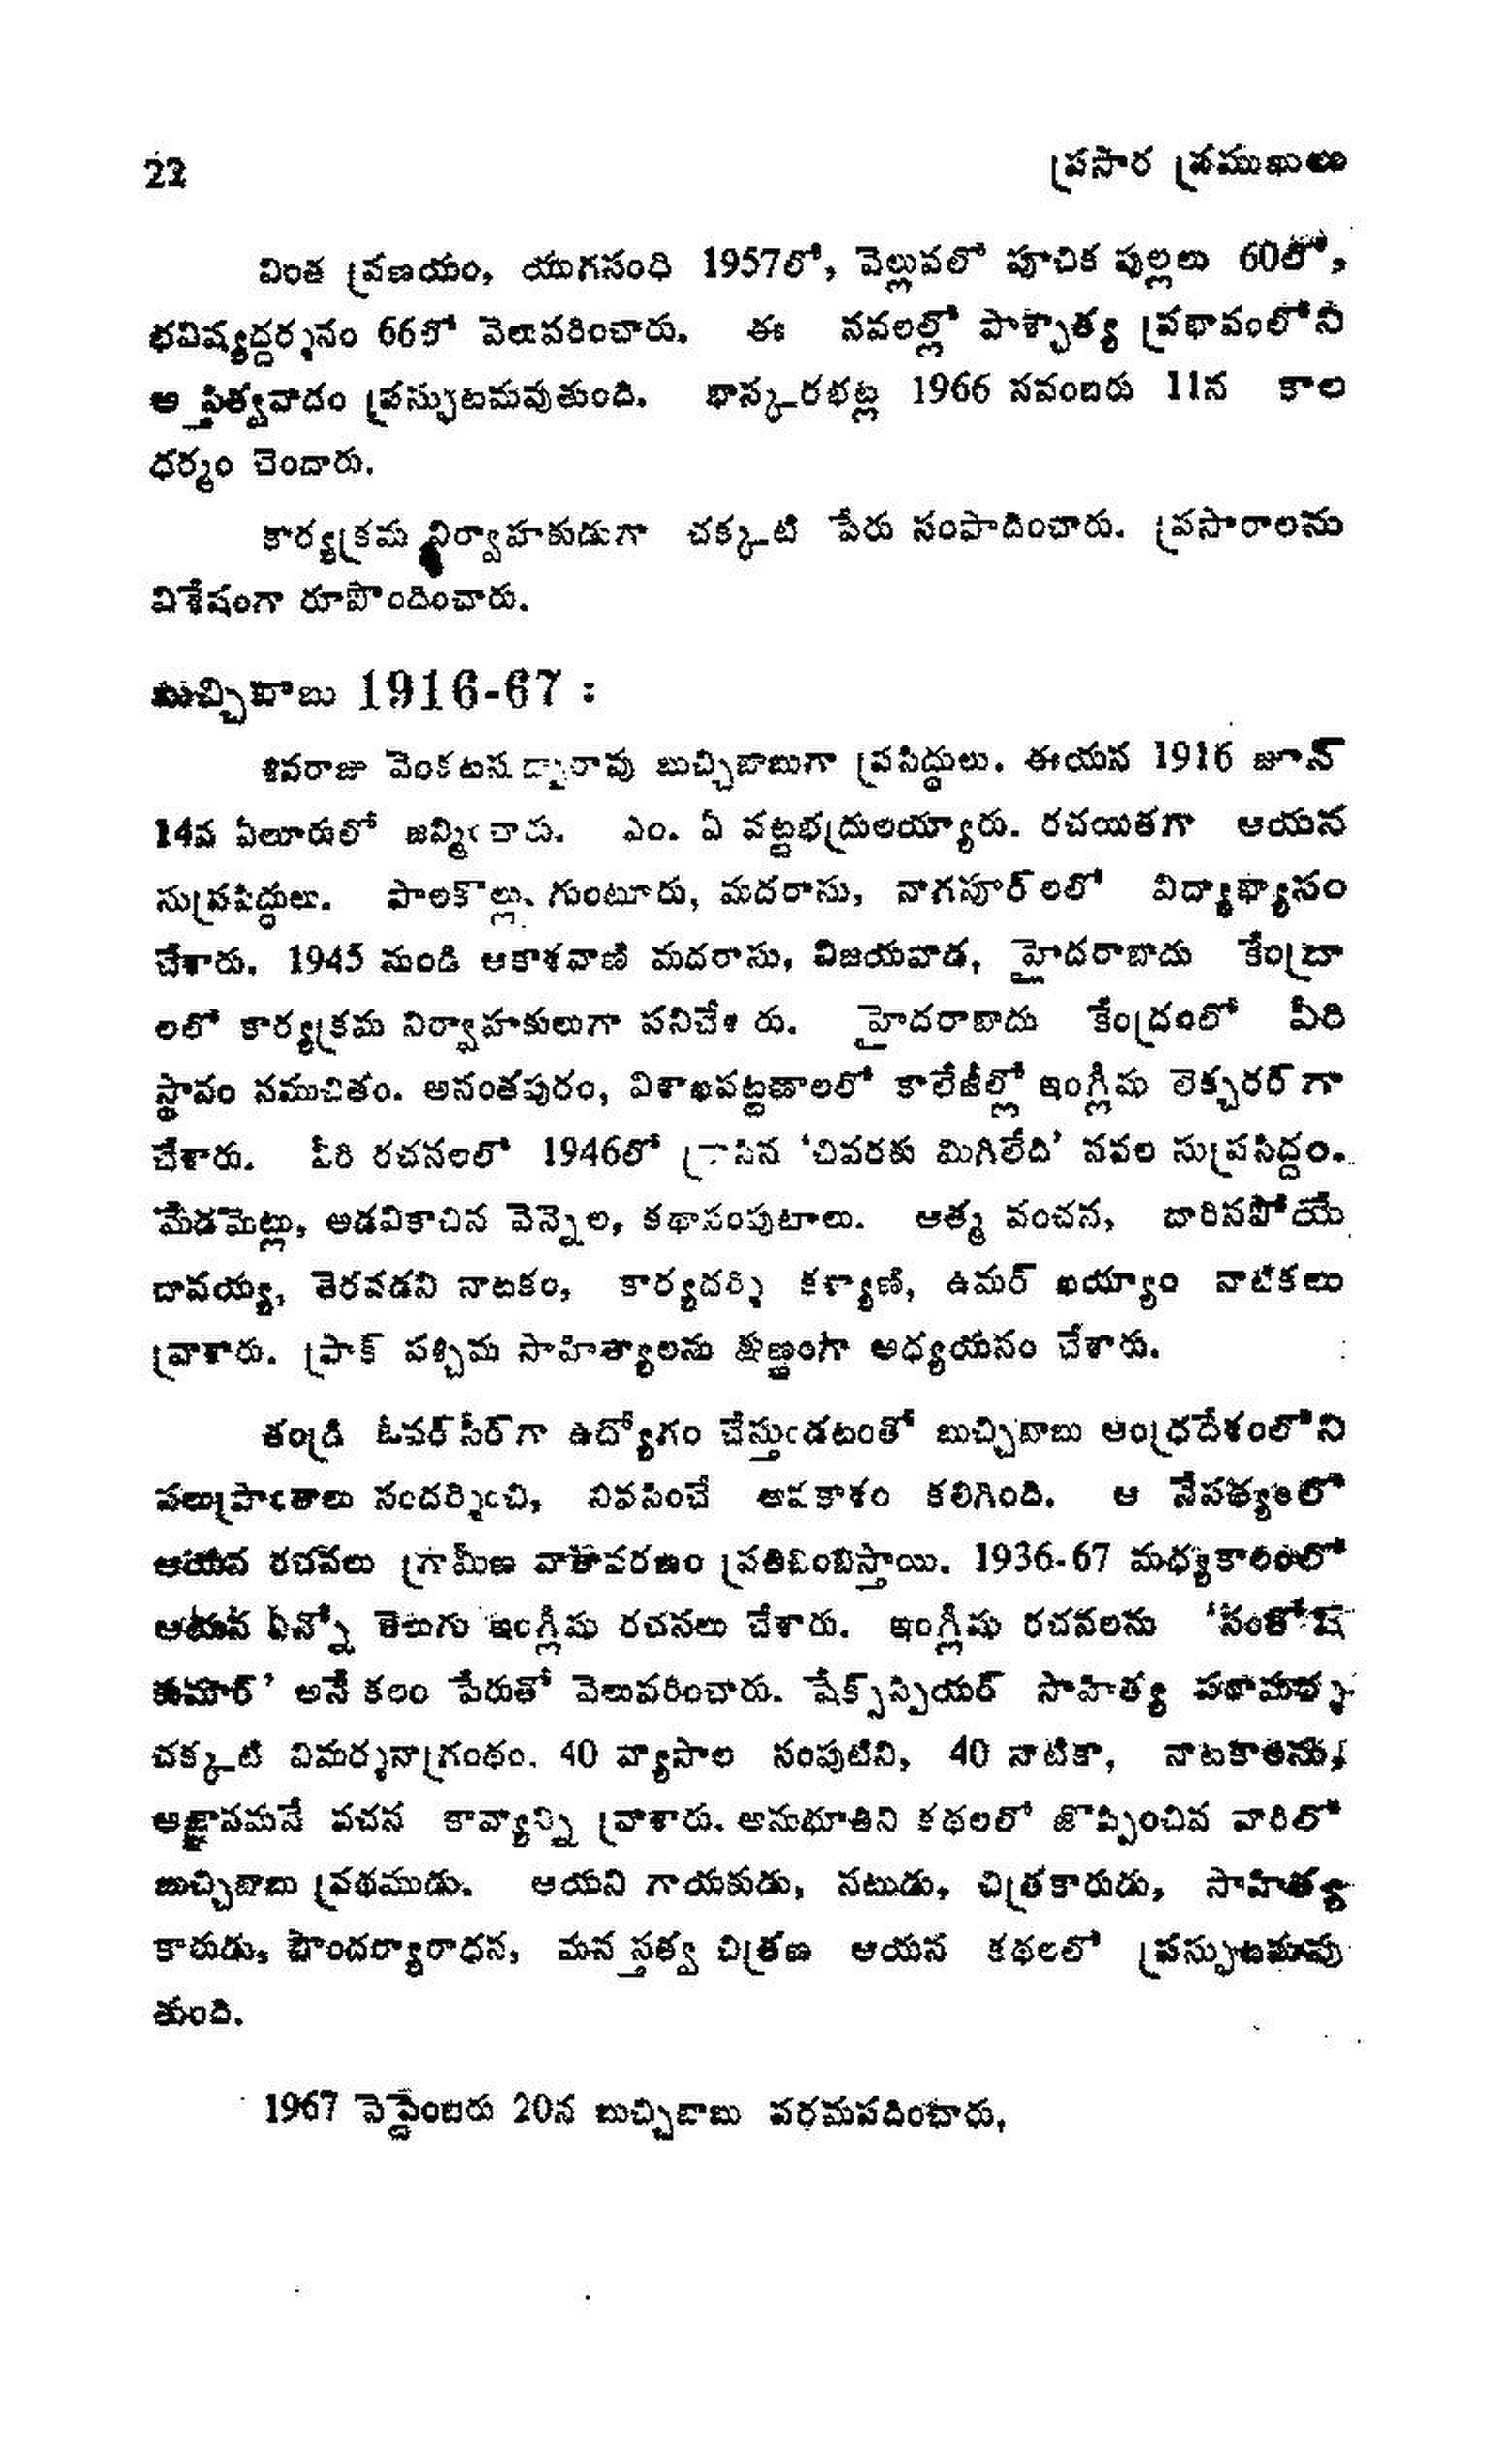వింత ప్రణయం, యుగసంధి 1957లో, వెల్లువలో పూచిక పుల్లలు 60లో, భవిష్యద్దర్శనం 66లో వెలువరించారు. ఈ నవలల్లో పాశ్చాత్య ప్రభావంలోని ఆస్తిత్వవాదం ప్రస్ఫుటమవుతుంది. భాస్కరభట్ల 1966 నవంబరు 11న కాలధర్మం చెందారు.

కార్యక్రమ నిర్వాహకుడుగా చక్కటి పేరు సంపాదించారు. ప్రసారాలను విశేషంగా రూపొందించారు.

శివరాజు వెంకటసుబ్బారావు బుచ్చిబాబుగా ప్రసిద్ధులు. ఈయన 1916 జూన్ 14న ఏలూరులో జన్మించారు. ఎం. ఏ. పట్టభద్రులయ్యారు. రచయితగా ఆయన సుప్రసిద్దులు. పాలకొల్లు, గుంటూరు, మదరాసు, నాగపూర్ లలో విద్యాభ్యాసం చేశారు. 1945 నుండి ఆకాశవాణి మదరాసు, విజయవాడ, హైదరాబాదు కేంద్రాలలో కార్యక్రమ నిర్వాహకులుగా పనిచేశారు. హైదరాబాదు కేంద్రంలో వీరి స్థానం సముచితం. అనంతపురం, విశాఖపట్టణాలలో కాలేజీల్లో ఇంగ్లీషు లెక్చరర్ గా చేశారు. వీరి రచనలలో 1946 లో వ్రాసిన 'చివరకు మిగిలేది' నవల సుప్రసిద్దం. మేడమెట్లు, అడవికాచిన వెన్నెల, కథాసంపుటాలు ఆత్మ వంచన, దారినపోయే దానయ్య, తెరవడని నాటకం, కార్యదర్శి, కల్యాణి, ఉమర్ ఖయ్యాం నాటికలు వ్రాశారు. ప్రాక్ పశ్చిమ సాహిత్యాలను క్షుణ్ణంగా అధ్యయనం చేశారు.

తండ్రి ఓవర్‌సీర్‌గా ఉద్యోగం చేస్తుండటంతో బుచ్చిబాబు ఆంధ్రదేశంలోని పలుప్రాంతాలు సందర్శించి, నివసించే అవకాశం కలిగింది. ఆ నేపథ్యంలో ఆయన రచనలు గ్రామీణ వాతావరణం ప్రతిబింబిస్తాయి. 1936-67 మధ్యకాలంలో ఆయన ఎన్నో తెలుగు ఇంగ్లీషు రచనలు చేశారు. ఇంగ్లీషు రచనలకు 'సంతోష్ కుమార్‌' అనే కలం పేరుతో వెలువరించారు. షేక్స్‌స్పియర్ సాహిత్య పరామర్శ చక్కటి విమర్శనాగ్రంథం. 40 వ్యాసాల సంపుటిని, 40 నాటికా, నాటకాలను అజ్ఞానమనే వచన కావ్యాన్ని వ్రాశారు. అనుభూతిని కథలలో జొప్పించిన వారిలో బుచ్చిబాబు ప్రథముడు. ఆయన గాయకుడు, నటుడు, చిత్రకారుడు, సాహిత్యకారుడు, సౌందర్యారాధన, మనస్తత్వ చిత్రణ ఆయన కథలలో ప్రస్పుటమవుతుంది.

1967 సెప్టెంబరు 20న బుచ్చిబాబు పరమపదించారు.